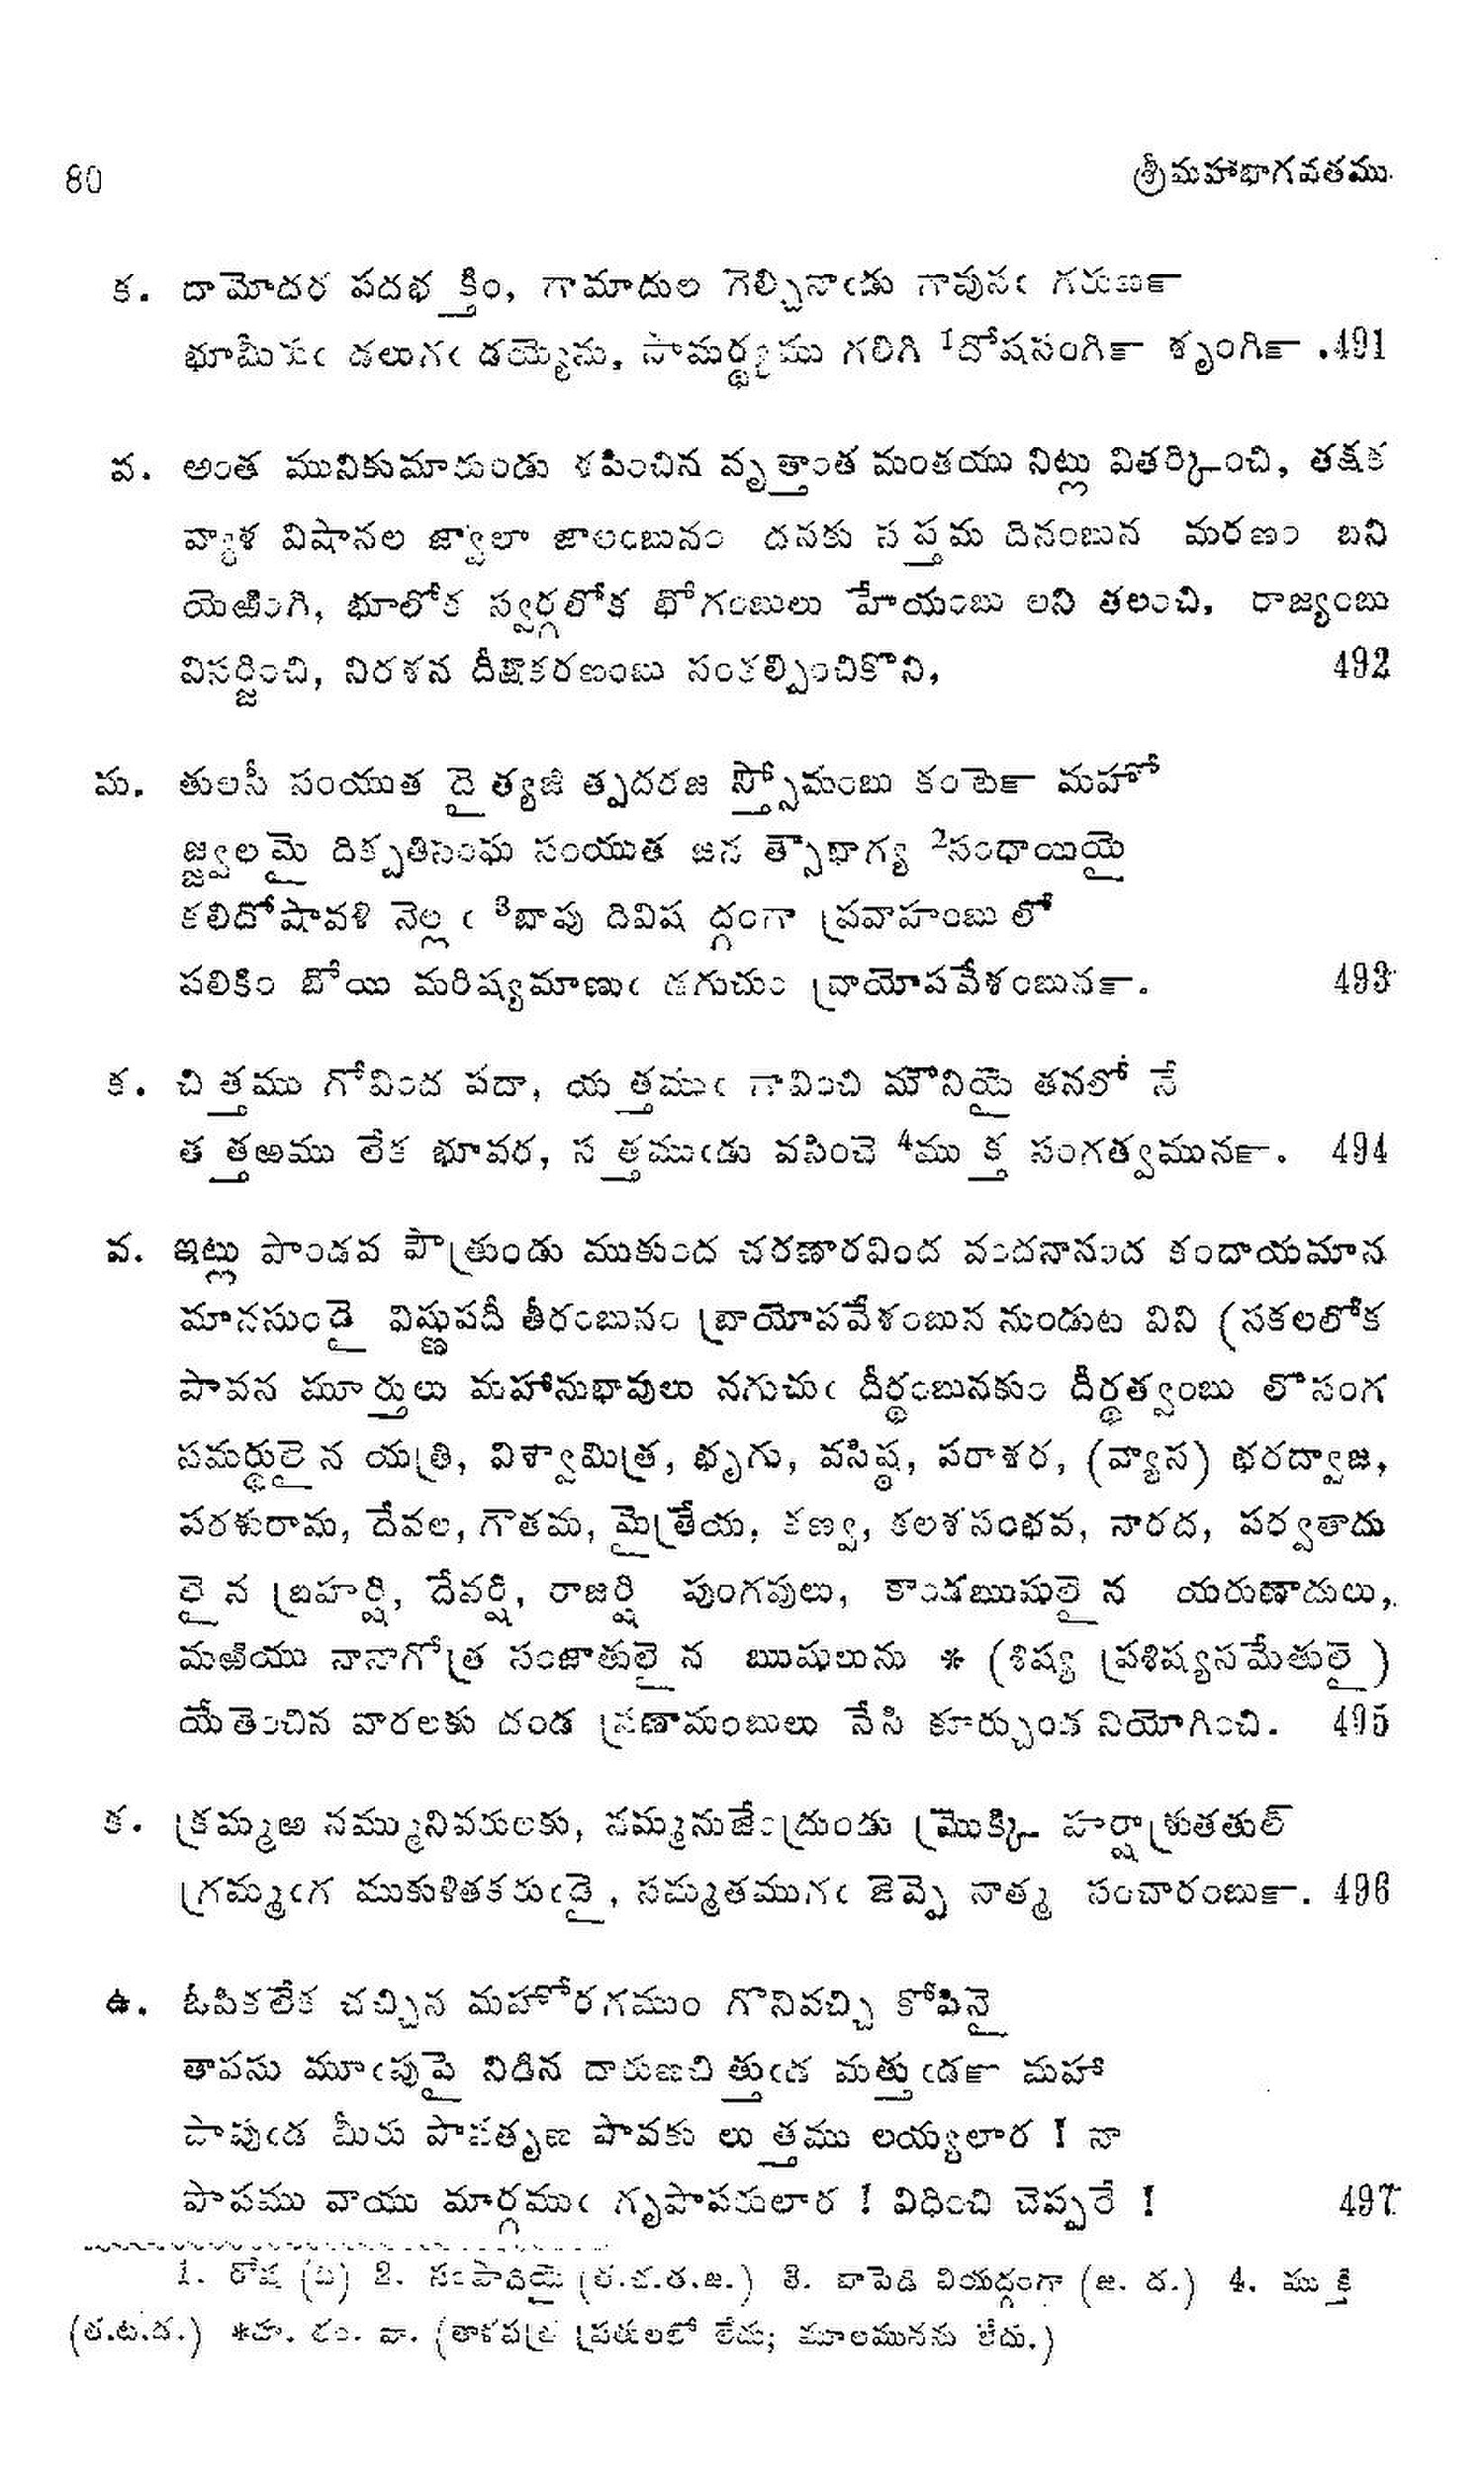80

క. దామోదర పదభక్తిం, గామాదుల గెల్చినాఁడు గావునఁ గరుణన్

భూమీశుఁ డలుగఁ డయ్యెను, సామర్థ్యము గలిగి దోషసంగిన్ శృంగిన్ (492)

వ. అంత మునికుమారుండు శపించిన వృత్తాంత మంతయు నిట్లు వితర్కించి, తక్షక వ్యాళ విషానల జ్వాలా జాలంబునం దనక సప్తమ దినంబున మరణం బమి యెఱింగి, భూలోక స్వర్గలోక భోగంబులు హేయంబు లని తలంచి, రాజ్యంబు విసర్జించి, నిరశన దీక్షాకరణంబు సంకల్పించికొని. (493)

మ. తులసీ సంయుత దైత్యజి త్పదరజ స్త్సోమంబు సంటెన్ మహో

జ్జ్వలమై దిక్పతిసంఘ సంయుత జన త్సౌభాగ్య సంధాయియై

కలిదోషావళి నెల్లఁ బాపు దివిష ద్గంగా ప్రవాహంబు లో

పలికిం బోయి మరిష్యమాణుఁ డగుచుం బ్రాయోపవేశంబునన్ . (494)

క. చిత్తము గోవింద పదా, యత్తముఁ గావించి మౌనియై తనలో నే

తత్తఱము లేక భావర, సత్తముఁడు వసించె ముక్త సంగత్వమునన్ . (495)

వ. ఇట్లు పాండవ పౌత్రుండు ముకుంద చరణారవింద వందనానంద సందాయమాన మానసుండై విష్ణుపదీ తీరంబునం బ్రాయోపవేశంబున నుండుట విని ( సకలలోక పావన మూర్తులు మహానుభావిలు నగుచుఁ దీర్థంబునకుం దీర్థత్వంబు లొసంగ సమర్థులై యత్రి, విశ్వామిత్ర , భృగు , వసిష్ఠ , పరాశర , (వ్యాస) భరద్వాజ , పరశురామ , దేవల , గౌతమ , మైత్రేయ , కణ్వ , కలశసంభవ , నారద , పర్వతాదు లైన బ్రహ్మర్షి , దేవర్షి , రాజర్షి , పుంగవులు , కాండఋషులైన యరుణాదులు, మఱియు నానాగోత్ర సంజాతులైన ఋషులును * ( శిష్య ప్రశిష్యసమేతులై ) యేతెంచిన వారలకు దండ ప్రణామంముల సేసి కూర్చుండ నియోగించి . (496)

క. క్రమ్మఱ నమ్మునివరులకు, నమ్మనుజేంద్రుండు మ్రొక్కి హర్షాశ్రుతతుల్

గ్రమ్మఁగ ముకుళితకరుఁడై, సమ్మతముగఁ జెప్పె నాత్మ సంచారంబున్ . (497)

ఉ. ఓపిక లేక చచ్చిన మహోరగముం గొనివచ్చి కోపినై

తాపసు మూఁపుపై నిడిన దారుణచిత్తుఁడ మత్తుఁడన్ మహా

పాపుఁడ మీరు పాపతృణ పావకు లుత్తము లయ్యలార ! నా

పాపము వాయు మార్గముఁ గృపాపరులార ! విధించి 1చెప్పరే ! (498)